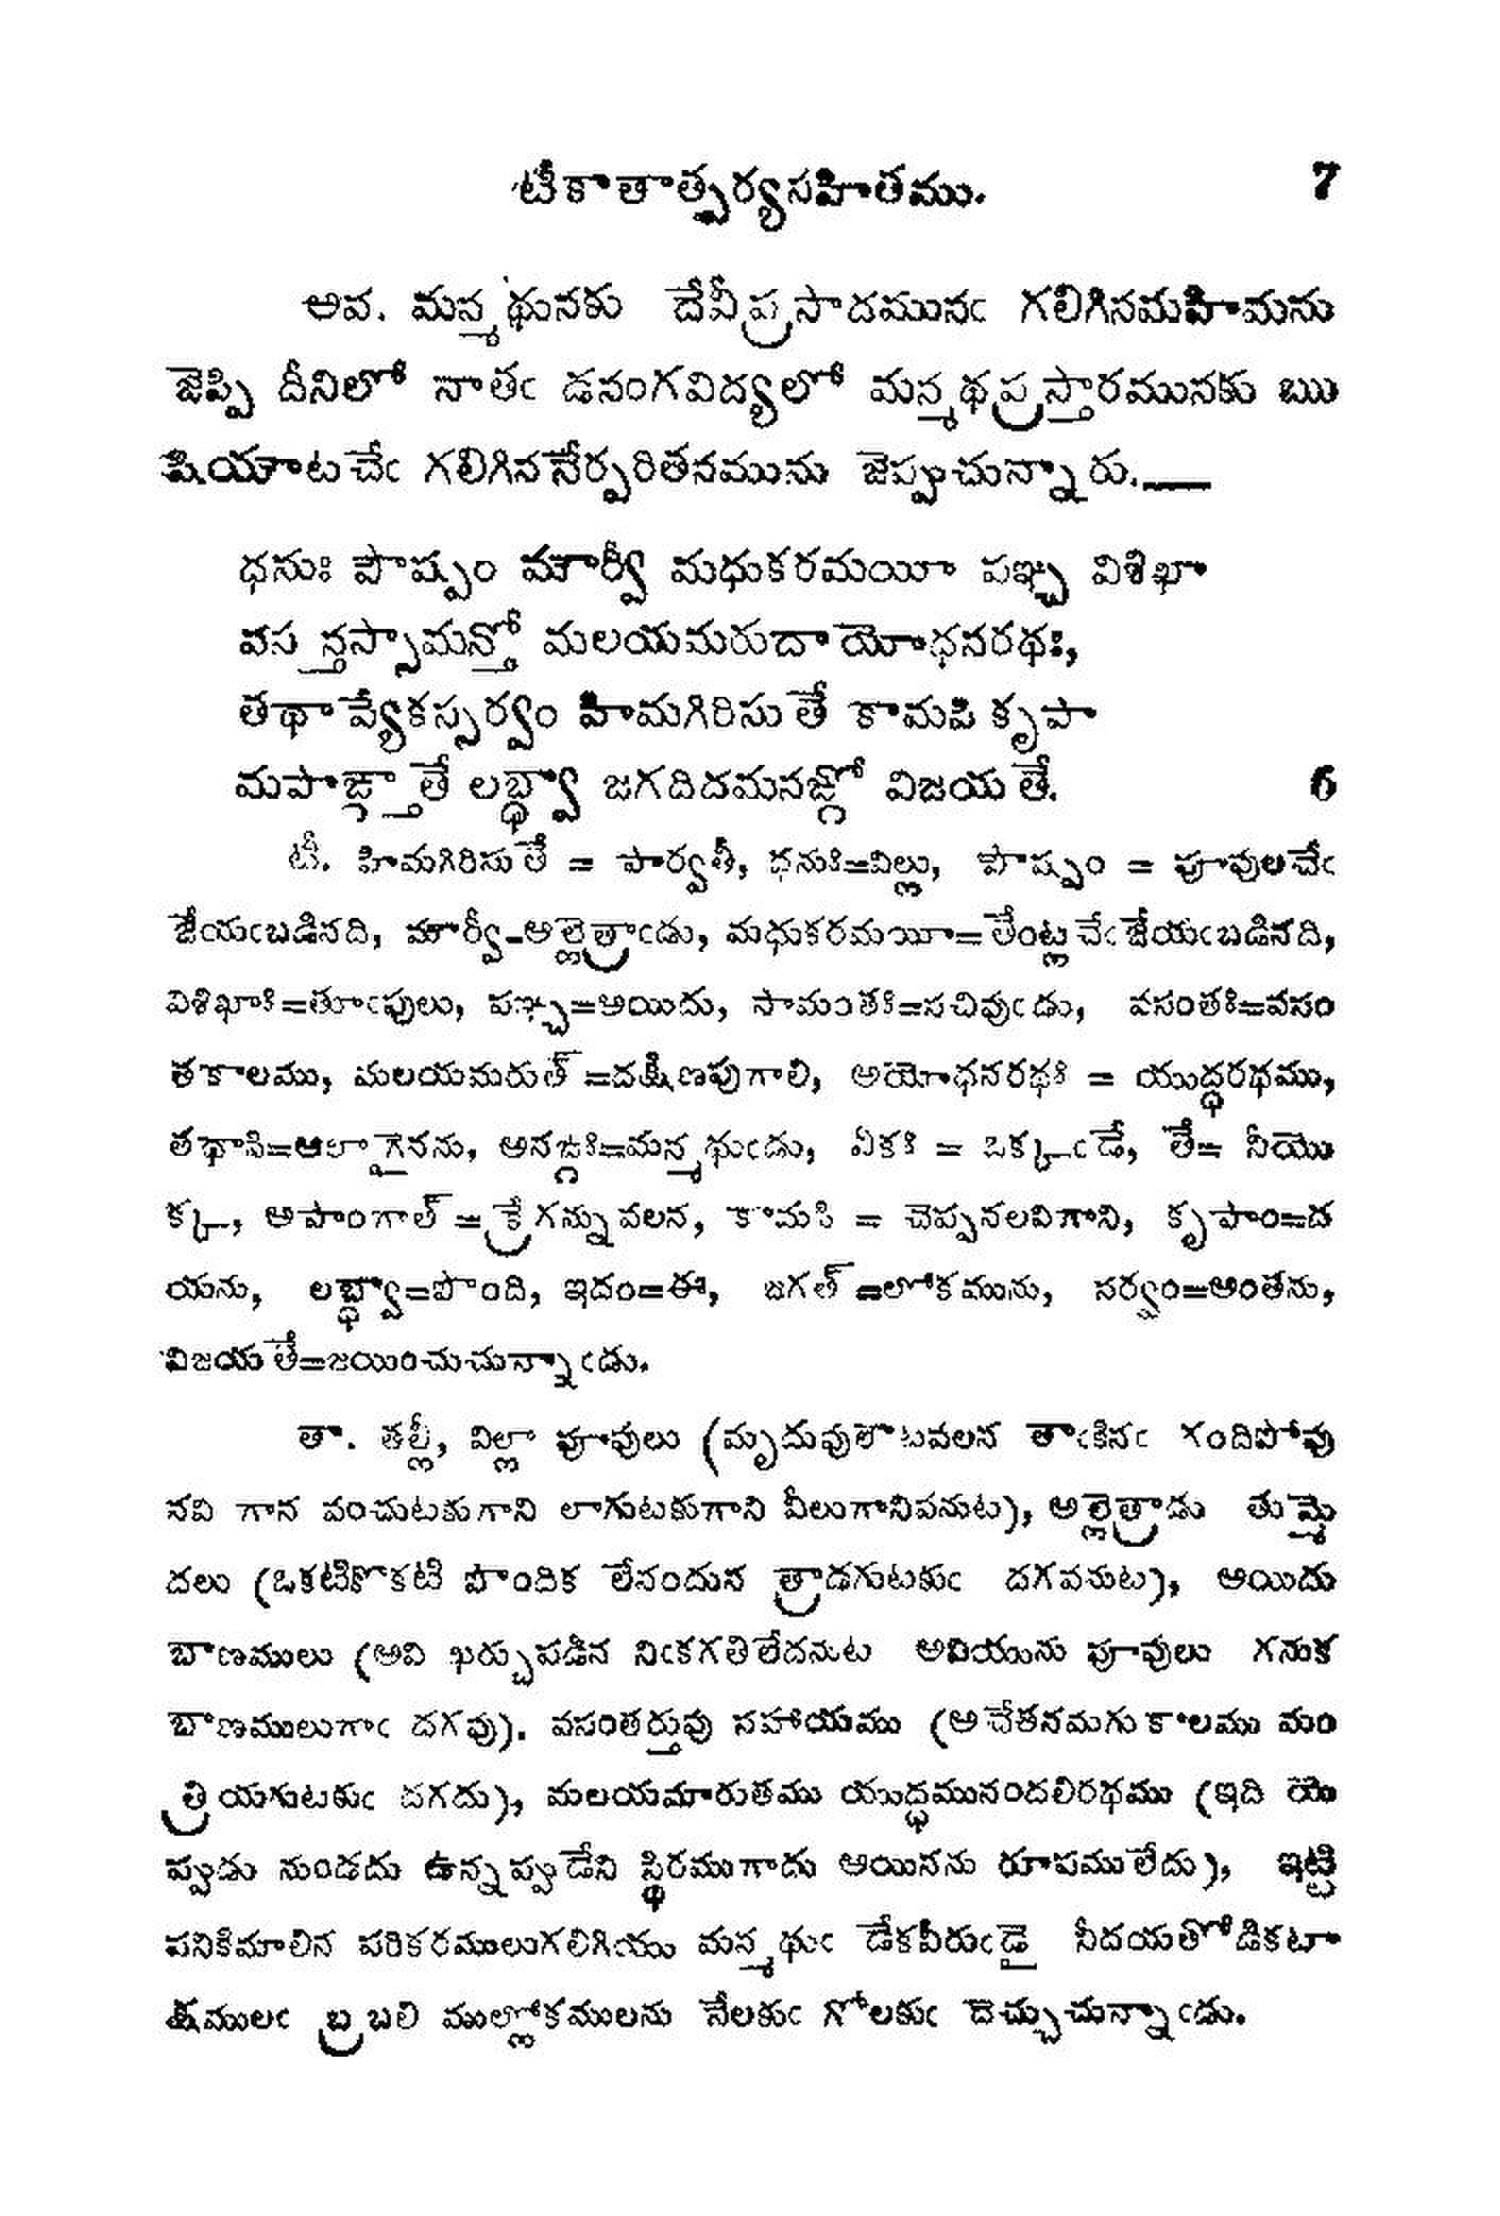అవ. మన్మథునకు దేవీప్రసాదమునఁ గలిగినమహిమను జెప్పి దీనిలో నాతఁ డనంగవిద్యలో మన్మథప్రస్తారమునకు ఋషియౌటచేఁ గలిగిననేర్పరితనమును జెప్పుచున్నారు.-

ధనుః పౌష్పం మౌర్వీ మధుకరమయీ పఞ్చ విశిఖా
వసన్తస్సామన్తో మలయమరుదాయోధనరథః,
తథావ్యేకస్సర్వం హిమగిరిసుతే కామపి కృపా
మపాఙ్గ్తాతే లబ్ధ్వా జగదిదమనఙ్గో విజయతే. 6
టీ. హిమగిరిసుతే = పార్వతీ, ధనుః = విల్లు, పౌష్పం = పూవులచేఁ జేయఁబడినది, మౌర్వీ-అల్లెత్రాఁడు, మధుకరమయీ = తేంట్లచేఁజేయఁబడినది, విశిఖాః = తూఁపులు, పఞ్చ = అయిదు, సామంతః = సచివుఁడు, వసంతః = వసంతకాలము, మలయమరుత్ = దక్షిణపుగాలి, అయోధనరథః = యుద్ధరథము, తథాపి = ఆలాగైనను, అనఙ్గః = మన్మథుఁడు, ఏకః =ఒక్కఁడే, తే = నీయొక్క, అపాంగాత్ = క్రేగన్నువలన, కామపి = చెప్పనలవిగాని, కృపాం = దయను, లబ్ధ్వా = పొంది, ఇదం = ఈ, జగత్ = లోకమును, సర్వం = అంతను, విజయతే = జయించుచున్నాఁడు.

తా. తల్లీ, విల్లా పూవులు (మృదువులౌటవలన తాఁకినఁ గందిపోవునవి గాన వంచుటకుగాని లాగుటకుగాని వీలుగానివనుట), అల్లెత్రాడు తుమ్మెదలు (ఒకటికొకటి పొందిక లేనందున త్రాడగుటకుఁ దగవనుట), అయిదు బాణములు (అవి ఖర్చుపడిన నిఁకగతిలేదనుట అవియును పూవులు గనుక బాణములుగాఁ దగవు). వసంతర్తువు సహాయము (అచేతనమగు కాలము మంత్రియగుటకుఁ దగదు). మలయమారుతము యుద్ధమునందలిరథము (ఇది యెప్పుడు నుండదు ఉన్నప్పుడేని స్థిరముగాదు అయినను రూపములేదు), ఇట్టి పనికిమాలిన పరికరములుగలిగియు మన్మథుఁ డేకవీరుఁడై నీదయతోడికటాక్షములఁ బ్రబలి ముల్లోకములను నేలకుఁ గోలకుఁ దెచ్చుచున్నాఁడు.